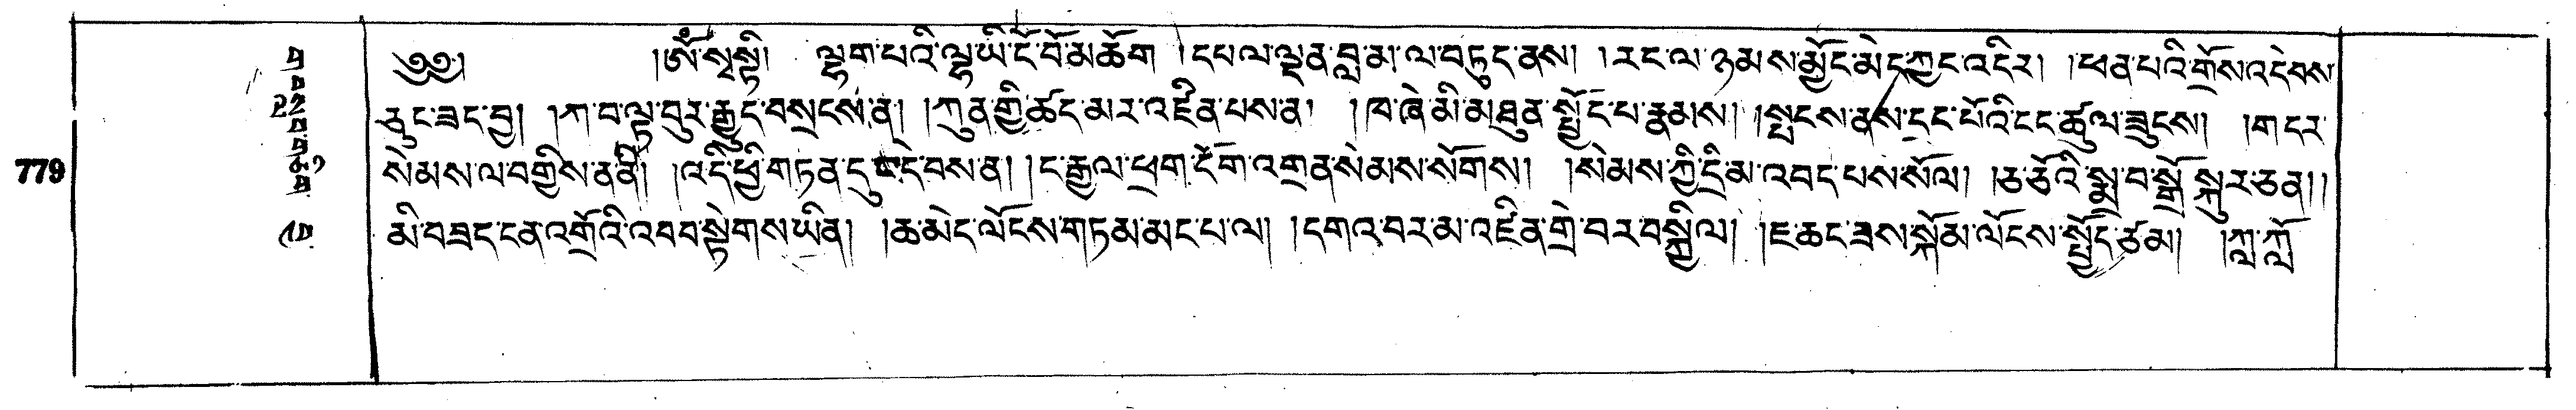༄༅། །ཨོཾ་སྭ་སྟི། ལྷག་པའི་ལྷ་ཡི་ངོ་བོ་མཆོག །དཔལ་ལྡན་བླ་མ་ལ་བཏུད་ནས། །རང་ལ་ཉམས་མྱོང་མེད་ཀྱང་འདིར། །ཕན་པའི་གྲོས་འདེབས་
ཅུང་ཟད་བྱ། །ཀ་བ་ལྟ་བུར་རྒྱུད་བསྲངས་ན། །ཀུན་གྱི་ཚད་མར་འཛིན་པས་ན། །ཁ་ཞེ་མི་མཐུན་སྤྱོད་པ་རྣམས། །སྤངས་ནས་དང་པོའི་ངང་ཚུལ་ཟུངས། །གདར་
སེམས་ལ་བགྱིས་ན་ནི། །འདི་ཕྱི་གཏན་དུ་བདེ་བས་ན། །ང་རྒྱལ་ཕྲག་དོག་འགྲན་སེམས་སོགས། །སེམས་ཀྱི་དྲི་མ་འབད་པས་སོལ། །ཅ་ཅོའི་སྨྲ་བ་སྒྲོ་སྐུར་ཅན།།
མི་བཟད་ངན་འགྲོའི་འབབ་སྟེགས་ཡིན། །ཆ་མེད་ལོངས་གཏམ་མང་པ་ལ། །དགའ་བར་མ་འཛིན་གྲེ་བར་བསྐྱིལ། །ཇ་ཆང་ཟས་སྐོམ་ལོངས་སྤྱོད་ཙམ། །ཀླ་ཀློ་